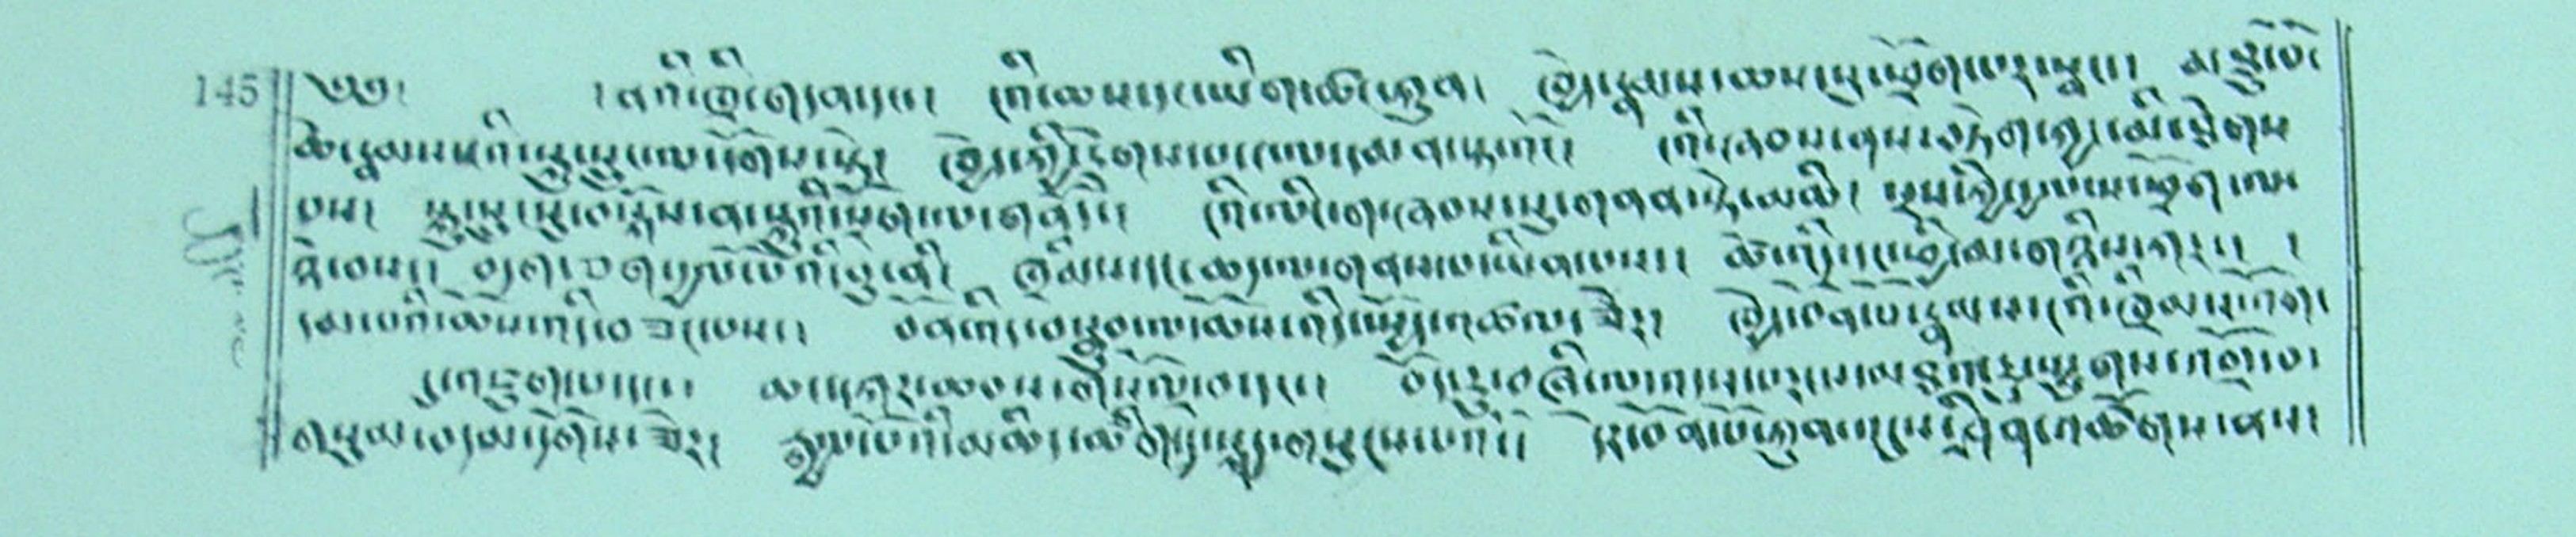༄༅། །ནའི་ཁྲི་གདན་དང་། ངའི་ཆོས་དང་ཡིག་ཚང་ཀུན། ཁྱེད་རྣམས་ཆས་སུ་ཕྲོགས་པར་སྣང་། མཐུ་བོ་
ཆེ་རྣམས་ངའི་སྐུ་བསྲུངས་ལས་སོགས་ཏེ། ཁྱེད་ཀྱི་དྲེགས་པ་ང་ལ་དམན་སྟ་འོང་། ངའི་ཞབས་ནས་བཏེགས་ཀྱང་མི་ཐེག་
པས། སྐུ་སྲུངསུ་བསྐོས་ན་སྐུའི་སྲོག་ལ་གནོད། ངའི་ལིང་ག་ཞབས་སུ་གནན་སྟེ་མཆི། སྲས་ཀྱི་རྒྱལ་ས་ཕྲོག་ལ
་ཉེ་བས། བདག་ཅག་རྒྱལ་བོའི་བུ་ནི། ཁྲིམས་དང་ཆད་ལ་གནས་པ་ཡིན་པས། ཚེ་འདི་དང་ཕྱི་མ་གཉིས་ཀར། 
དམ་པའི་ཆོས་འདི་བཟང་བས། བོན་འདི་བསྣུབས་ལ་ཆོས་འདི་སྤྱོད་འཚལ་ཟེར། ཁྱེད་བོན་པོ་རྣམས་ངའི་ཁྲིམས་འོག་
ཏུ་འཇུག་པ་དང་། ཆང་དཀར་གྱི་ཆབ་གསོལ་བ་དང་། བོད་རུ་བཞི་ལ་འདས་པར་ས་མཐའ་རུ་སྤྱུགས་འགྲོ་བ་
གསུམ་བདམ་དགོས་ཟེར། རྒྱལ་བའི་མཆིད་ཚིག་དེ་སྐད་གསུངས་པའོ། །དེར་བོན་པོ་ཀུན་འདུས་ཤིང་འཚོགས་ནས།